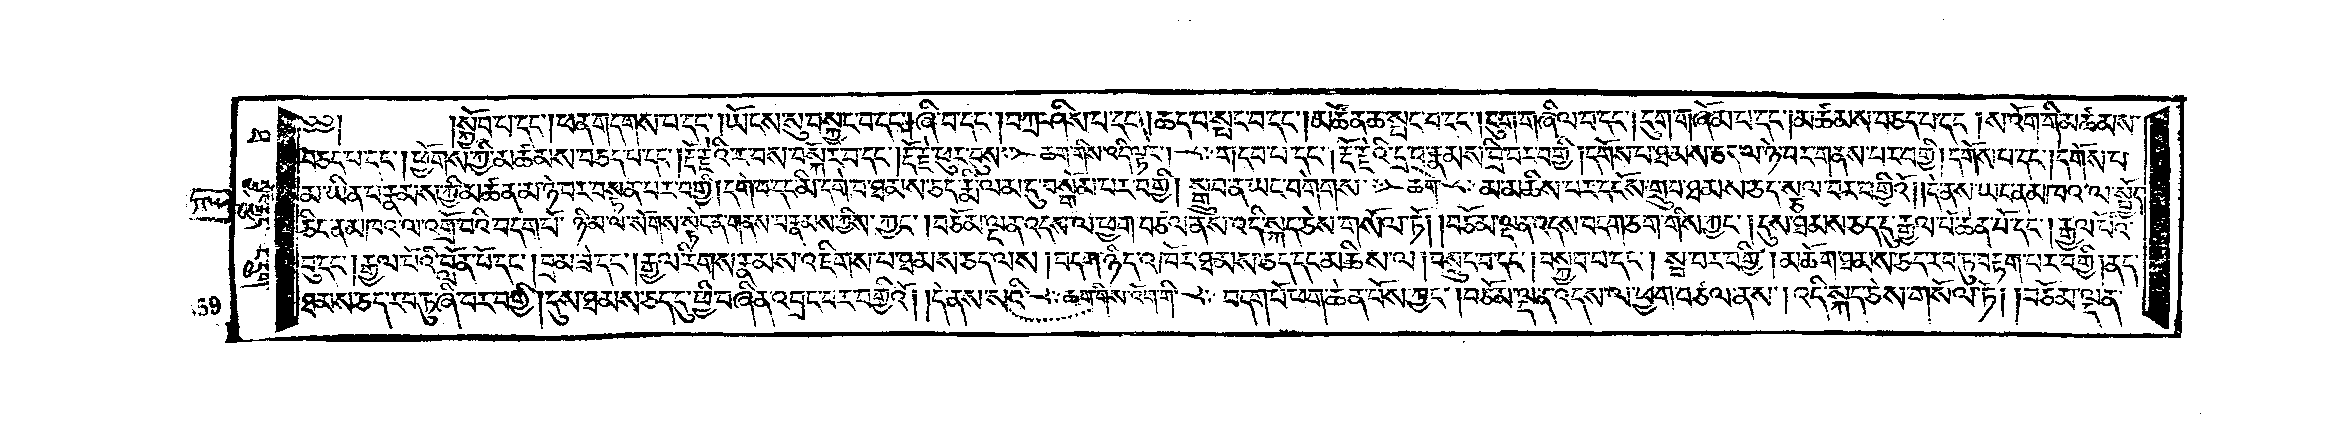༄༅། །སྐྱོབ་པ་དང་། ཕན་གདགས་པ་དང་། ཡོངས་སུ་བསྐྱང་བ་དང་། ཞི་བ་དང་། བཀྲ་ཤིས་པ་དང་། ཆད་པ་སྤང་བ་དང་། མཚོན་ཆ་སྤང་བ་དང་། དུག་གཞིལ་བ་དང་། དུག་གཞོམ་པ་དང་། མཚམས་བཅད་པ་དང་། ས་འོག་གི་མཚམས་
བཅད་པ་དང་། ཕྱོགས་ཀྱི་མཚམས་བཅད་པ་དང་། རྡོ་རྗེའི་ར་བས་བསྐོར་བ་དང་། རྡོ་རྗེ་ཕུར་བུས་H.་ཆག་གིགས་འདི་ལྟར།  .H གདབ་པ་དང་། རྡོ་རྗེའི་དྲ་བ་རྣམས་བྲི་བར་བགྱི། དགོས་པ་ཐམས་ཅད་ལ་ཉེ་བར་གནས་པར་བགྱི། དགོས་པ་དང་། དགོས་པ་དང་། དགོས་པ་
མ་ཡིན་པ་རྣམས་ཀྱི་མཚན་མ་ཉེ་བར་བསྟན་པར་བགྱི། དགེ་བ་དང་མི་དགེ་བ་ཐམས་ཅད་རྨི་ལམ་དུ་བསྒོམ་པར་བགྱི། སྒྲུབ་ན་ཡང་བགེགས་H.་ཆག་.H མ་མཆིས་པར་དངོས་གྲུབ་ཐམས་ཅད་སྩལ་བར་བགྱིའོ། །དེ་ནས་ཡང་ནམ་མཁའ་ལ་སྤྱོད་
ཅིང་ནམ་མཁའ་ལ་འགྲོ་བའི་བདག་པོ་ཉི་མ་ལ་སོགས་སྟེང་ན་གནས་པ་རྣམས་ཀྱིས་ཀྱང་། བཅོམ་ལྡན་འདས་ལ་ཕྱག་བཙལ་ནས་འདི་སྐད་ཅེས་གསོལ་ཏོ། །བཅོམ་ལྡན་འདས་བདག་ཅག་གིས་ཀྱང་། དུས་ཐམས་ཅད་དུ་རྒྱལ་པོ་ཆེན་པོ་དང་། རྒྱལ་པོའི་
བུ་དང་། རྒྱལ་པོའི་བློན་པོ་དང་། བྲམ་ཟེ་དང་། རྒྱལ་རིགས་རྣམས་འཇིགས་པ་ཐམས་ཅད་ལས། བདག་ཉིད་འཁོར་ཐམས་ཅད་དང་མཆིས་ལ། བསྲུང་བ་དང་། བསྐྱབ་པ་དང་། སྦ་བར་བགྱི། མཆོག་ཐམས་ཅད་རབ་ཏུ་བརྟག་པར་བགྱི། ནད་
ཐམས་ཅད་རབ་ཏུ་ཞི་བར་བགྱི། དུས་ཐམས་ཅད་དུ་ཕྱི་བཞིན་འབྲང་བར་བགྱིའོ། །དེ་ནས་སའི་.Hཆག་གིས་འོག་གི་.H བདག་པོ་ཕག་ཆེན་པོས་ཀྱང་། བཅོམ་ལྡན་འདས་ལ་ཕྱག་བཙལ་ནས། འདི་སྐད་ཅེས་གསོལ་ཏོ། །བཅོམ་ལྡན་